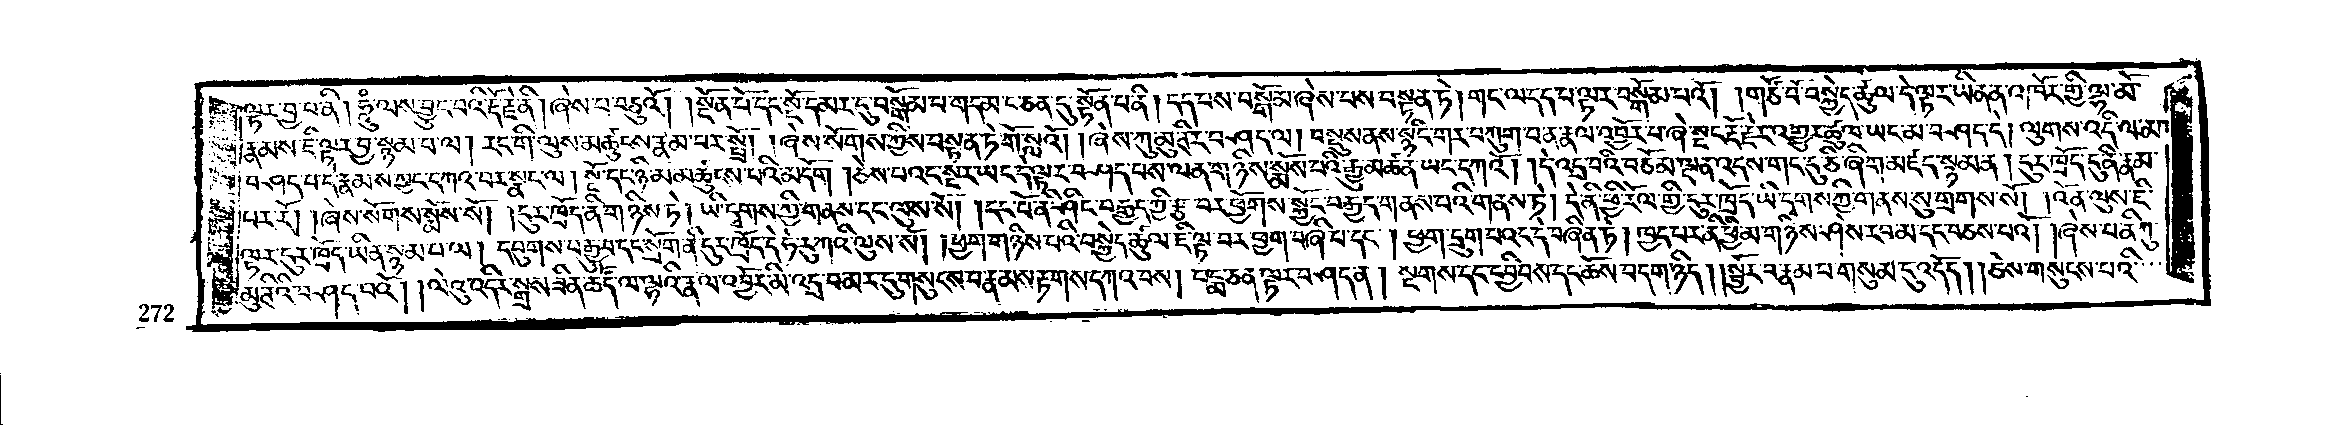ལྟར་བྱ་བ་ནི། ཧཱུཾ་ལས་བྱུང་བའི་རྡོ་རྗེ་ནི། ཞེས་པ་བཅུའོ། །སྔོན་པོ་དང་སྔོ་དམར་དུ་བསྒོམ་པ་གདམ་ང་ཅན་དུ་སྟོན་པ་ནི། དད་པས་བསྒོམ་ཞེས་པས་བསྟན་ཏེ། གང་ལ་དད་པ་ལྟར་བསྒོམ་པའོ། །གཙོ་བོ་བསྐྱེད་ཚུལ་དེ་ལྟར་ཡིན་ན་འཁོར་གྱི་ལྷ་མོ་
རྣམས་ཇི་ལྟར་བྱ་སྙམ་པ་ལ། རང་གི་ལུས་མཚུངས་རྣམ་པར་སྤྲོ། །ཞེས་སོགས་ཀྱིས་བསྟན་ཏེ་གོ་སླའོ། །ཞེས་ཀུ་མུ་ཊིར་བཤད་ལ། བསྡུས་ནས་སྙིང་གར་བཀུག་པ་ན་རྣལ་འབྱོར་པ་ཞེ་སྡང་རྡོ་རྗེར་འགྱུར་ཚུལ་ཡང་མ་བཤད་དེ། ལུགས་འདི་ལ་མ་
བཤད་པ་དེ་རྣམས་ཀྱང་དཀའ་བར་སྣང་ལ། སྔོ་དང་ཉི་མ་མཚུངས་པའི་མདོག །ཅེས་པའང་སྔར་ཡང་དེ་ལྟར་བཤད་པས་ལན་གཉིས་སྨོས་པའི་རྒྱུ་མཚན་ཡང་དཀའོ། །དེ་འདྲ་བའི་བཅོམ་ལྡན་འདས་གང་དུ་ཅི་ཞིག་མཛད་སྙམ་ན། དུར་ཁྲོད་དུ་ནི་རྣམ་
པར་རོ། །ཞེས་སོགས་སྨོས་སོ། །དུར་ཁྲོད་ནི་གཉིས་ཏེ། ཡི་དྭགས་ཀྱི་གནས་དང་ལུས་སོ། །དང་པོ་ནི་ཤིང་བརྒྱད་ཀྱི་རྩ་བར་ཕྱོགས་སྐྱོང་བརྒྱད་གནས་པའི་གནས་ཏེ། དེ་ནི་ཕྱི་རོལ་གྱི་དུར་ཁྲོད་ཡི་དྭགས་ཀྱི་གནས་སུ་གྲགས་སོ། །འོ་ན་ལུས་ཇི་
ལྟར་དུར་ཁྲོད་ཡིན་སྙམ་པ་ལ། དབུགས་བརྒྱུ་བ་དང་སྲོག་ནི་དུར་ཁྲོད་དེ་ཧེ་རུ་ཀའི་ལུས་སོ། །ཕྱག་གཉིས་པའི་བསྐྱེད་ཚུལ་ཇི་ལྟ་བར་ཕྱག་བཞི་པ་དང་། ཕྱག་དྲུག་པའང་དེ་བཞིན་ཏེ། ཁྱད་པར་ནི་ཕྱི་མ་གཉིས་ཤེས་རབ་མ་དང་བཅས་པའོ། །ཞེས་པ་ནི་ཀུ་
མུ་ཊིའི་བཤད་པའོ། །ལེའུ་འདིར་སྒྲས་ཟིན་ཚོད་ལ་ལྷའི་རྣལ་འབྱོར་མི་འདྲ་བ་མར་དུ་གསུངས་པ་རྣམས་རྟགས་དཀའ་བས། པདམ་ཅན་ལྟར་བཤད་ན། སྔགས་དང་དབྱིབས་དང་ཆོས་བདག་ཉིད། །སྦྱོར་བ་རྣམ་པ་གསུམ་དུ་འདོད། །ཅེས་གསུངས་པའི་